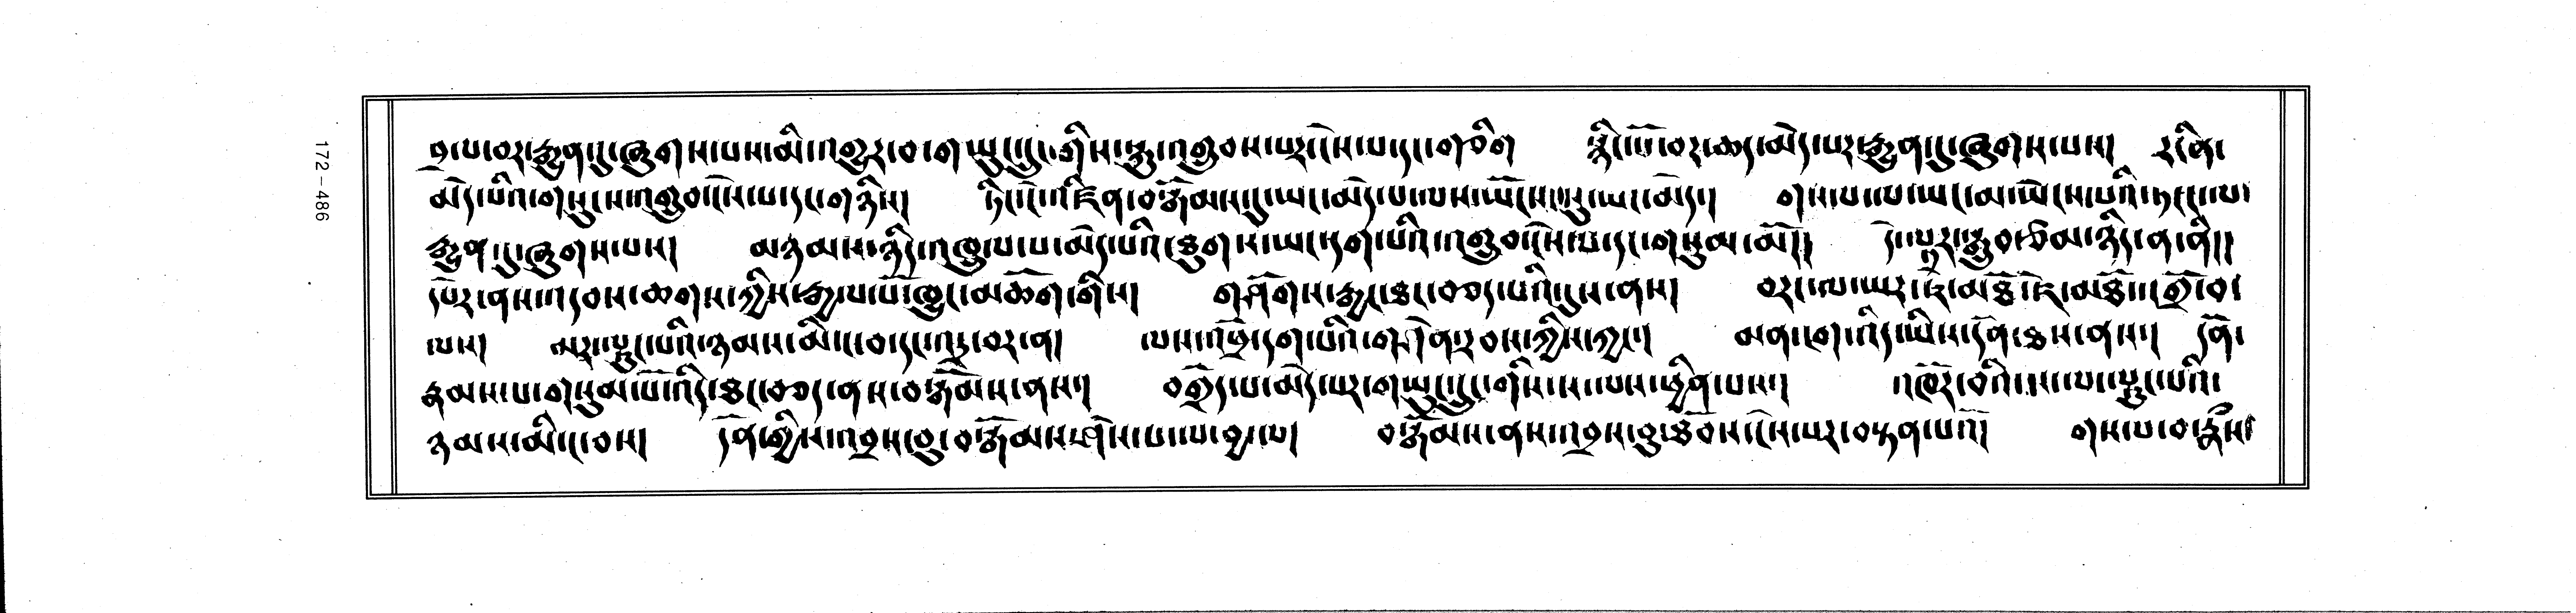བྲལ་བར་རྒྱུད་དུ་ཞུགས་པས་མི་འགྱུར་་བ་གཡུང་དྲུང་གིས་སྐུ་འགྲུབས་པར་ངེས་པ་དང་གཅིག སྙིང་པོ་བར་ཆད་མེད་པར་རྒྱུན་དུ་ཞུགས་པས། རང་བཞིན་
མེད་པའི་གསུངས་འགྲུབ་ངེས་པ་དང་གཉིས། ཏིང་ངེ་འཛིན་བསྒོམས་དུ་ཡང་མེད་པ་ལས་ཡོངས་སུ་ཡང་མེད། གསལ་ལ་ཡང་མ་གཡེངས་པའི་ཏང་ཏང་ལ་
རྒྱུན་དུ་ཞུགས་པས། མཉམ་ཉིད་འཁྲུལ་པ་མེད་པའི་ཐུགས་ཡང་དག་པའི་འགྲུབ་ངེས་པ་དང་གསུམ་མོ། དེ་ལྟར་སྒྲུབ་ཙམ་ཉིད་ན་ནི། 
དཔེར་ནས་འདབས་ཆགས་ཀྱིས་རྒྱལ་པོ་ཁྱུང་མཆོག་གིས། གཤོགས་རྒྱང་ཐང་བཅད་པའི་དུས་ནས། བར་སྣང་ལ་ཡར་ཇེ་མཐོ་ཇེ་མཐོ་འགྲོ་བ་
ལས། མར་ལྟུང་པའི་ཉམས་མི་མངའ་བ་དང་འདྲ་བར་ན། ལས་འཕྲོ་དག་པའི་གཤེན་རབ་ཀྱིས་ཀྱང་། མན་ངག་འདི་ཡིས་དོན་ཐོས་ནས། དོན་
རྣམ་པ་གསུམ་པོ་འདི་ཐང་བཅད་ནས་བསྒོམས་ནས། བགྲོད་པ་མེད་པར་གཡུང་དྲུང་གིས་ས་ལས་ཕྱིན་པས། འཁོར་བའི་ས་ལ་ལྟུང་པའི་
ཉམས་མི་མངའ་བས། དོན་གྱིས་འབྲས་བུ་བསྒོམས་ཤེས་པ་ལ་བྱ་ལ། བསྒོམས་ནས་འབྲས་བུ་ཐོབ་ངེས་པར་བསྟན་པའོ། གསལ་བ་རྣམ་